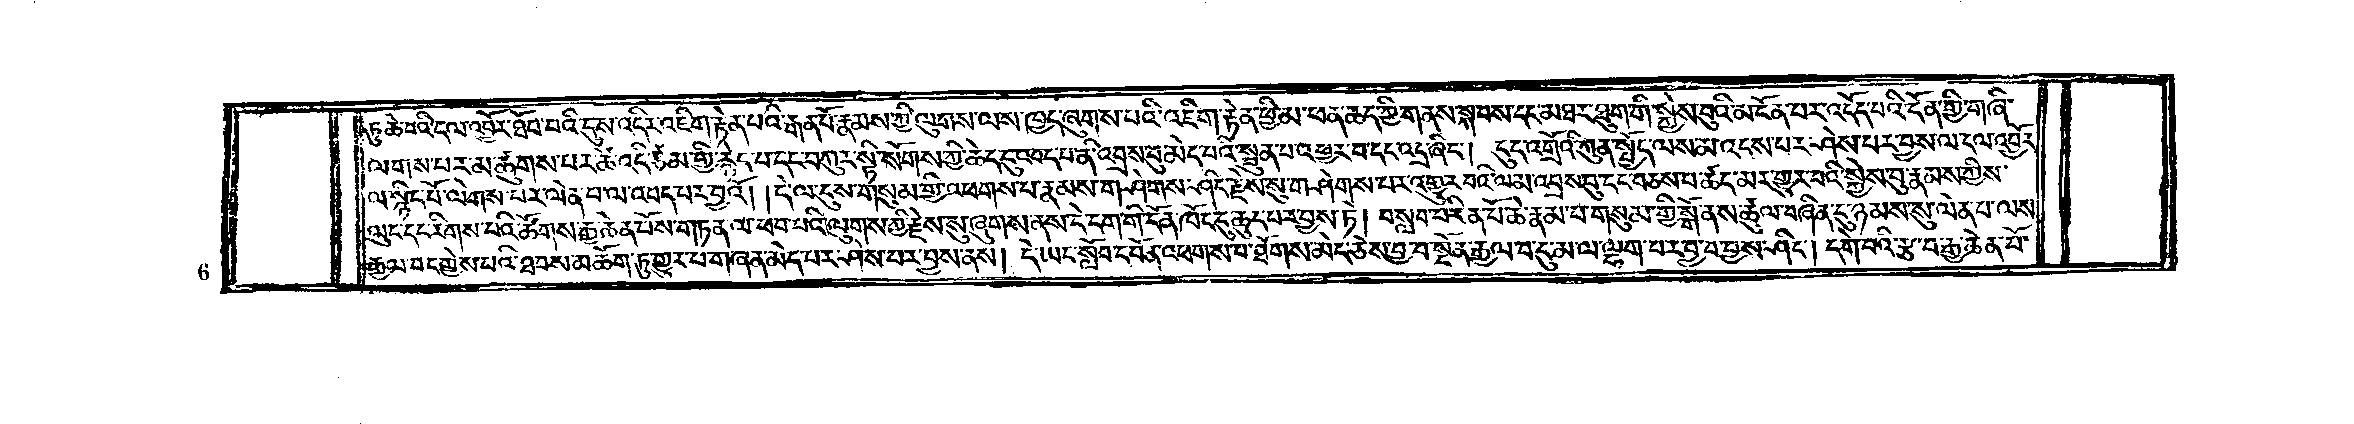ཏུ་ཆེ་བའི་དལ་འབྱོར་ཐོབ་པའི་དུས་འདིར་འཇིག་རྟེན་པའི་རྒན་པོ་རྣམས་ཀྱི་ལུགས་ལས་ཁྱད་ཞུགས་པའི་འཇིག་རྟེན་ཕྱི་མ་ཕན་ཆད་ཀྱི་གནས་སྐབས་དང་མཐར་ཐུག་གི་སྐྱེས་བུའི་མངོན་པར་འདོད་པའི་དོན་གྱི་གཞི་
ལགས་པར་མ་ཚུགས་པར་ཚེ་འདི་ཙམ་གྱི་རྙེད་པ་དང་བཀུར་སྟི་སོགས་ཀྱི་ཆེད་དུ་འབད་པ་ནི་འབྲས་བུ་མེད་པའི་སྤུན་པ་འཕྱར་བ་དང་འདྲ་ཞིང་། དུད་འགྲོའི་ཀུན་སྤྱོད་ལས་མ་འདས་པར་ཤེས་པར་བྱས་ལ་དལ་འབྱོར་
ལ་སྙིང་པོ་ལེགས་པར་ལེན་པ་ལ་འབད་པར་བྱའོ། །དེ་ལ་དུས་གསུམ་གྱི་འཕགས་པ་རྣམས་གཤེགས་ཤིང་རྗེས་སུ་གཤེགས་པར་འགྱུར་བའི་ལམ་འབྲས་བུ་དང་བཅས་པ་ཚད་མར་གྱུར་པའི་སྐྱེས་བུ་རྣམས་ཀྱིས་
ལུང་དང་རིགས་པའི་ཚོགས་རྒྱ་ཆེན་པོས་གཏན་ལ་ཕབ་པའི་ལུགས་ཀྱི་རྗེས་སུ་ཞུགས་ནས་དེ་དག་གི་དོན་ཁོང་དུ་ཆུད་པར་བྱས་ཏེ། བསླབ་པ་རིན་པོ་ཆེ་རྣམ་པ་གསུམ་གྱི་སྒོ་ནས་ཚུལ་བཞིན་དུ་ཉམས་སུ་ལེན་པ་ལས་
རྒྱལ་བ་དགྱེས་པའི་ཐབས་མཆོག་ཏུ་གྱུར་པ་གཞན་མེད་པར་ཤེས་པར་བྱས་ནས། དེ་ཡང་སློབ་དཔོན་འཕགས་པ་ཐོགས་མེད་ཅེས་བྱ་བ་སྔོན་རྒྱལ་བ་དུ་མ་ལ་ལྷག་པར་བྱ་བ་བྱས་ཤིང་། དགེ་བའི་རྩ་བ་རྒྱ་ཆེན་པོ་